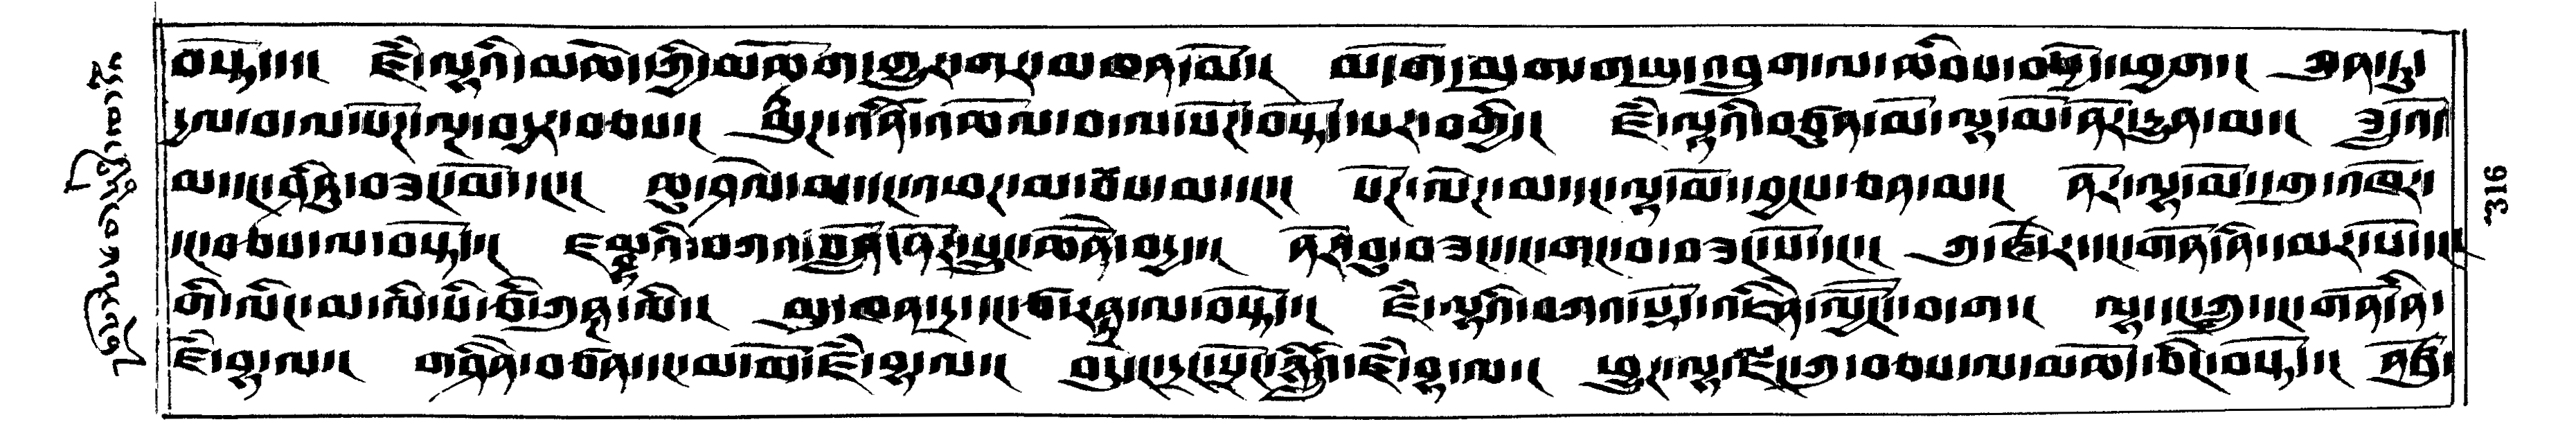བསྟོད། །ཛམ་ལའི་མཆེད་ཀྱི་མཆོག་གྱུར་གར་མཁན་མོ། །མདོག་སྨུག་གཡུ་འབྲུག་ལ་ཆིབས་བཅོ་རྒྱད་ཕྱག།ཀུན་ཏུ་
རྒྱལ་བ་ལ་སོགས་ལྔ་བརྒྱར་བཅས། །རྨུགས་འཛིན་འཆོལ་བ་ལ་སོགས་བསྟོད་པར་བགྱི། །ཛམ་ལྷའི་བཙུན་མོ་ལྷ་མོ་ནོར་རྒྱུན་མ། །ཟླ་འོད་
མ་དང་ཤིན་ཏུ་བཟང་མོ་དང་། །ཆུ་ཤེལ་མ་དང་འཕགས་མ་སྦས་མ་དང་། །སོར་ལེགས་མ་དང་ལྷ་མོ་དབྱངས་ཅན་མ། །ནོར་ལྷ་མོ་དགུ་འཁོར་
དང་བཅས་ལ་བསྟོད། །ཛམ་ལའི་བཀའ་བློན་ནོར་སྲུང་ཆེན་མོ་བརྒྱད། །ནོར་བུ་བཟང་དང་གང་བ་བཟང་པོ་དང་། །ཀུ་ཝེ་ར་དང་གནོད་སྦྱིན་དམར་པོ་དང་། །
གི་ལིང་མ་ལི་པི་ཙི་ཀུནྜ་ལི། །མུ་ཁན་དྲ་དང་ཙ་རནྟྲ་ལ་བསྟོད། །ཛམ་ལའི་བཀའ་སྡོད་འཇིག་རྟེན་ལོངས་སྤྱོད་བདག །ལྷ་དང་ཀླུ་དང་གནོད་སྦྱིན་
ཛམ་བྷ་ལ། །གཤིན་རྗེ་བཙན་དང་མ་མོ་ཛམ་བྷ་ལ། བདུད་དང་དྲང་སྲོང་ཉི་ཟླའི་ཛམ་བྷ་ལ། །ཕྱུགས་ལྷ་ལྗང་གུ་བཅས་ལ་མཆོད་ཅིང་བསྟོད། །ནོར་བུ་